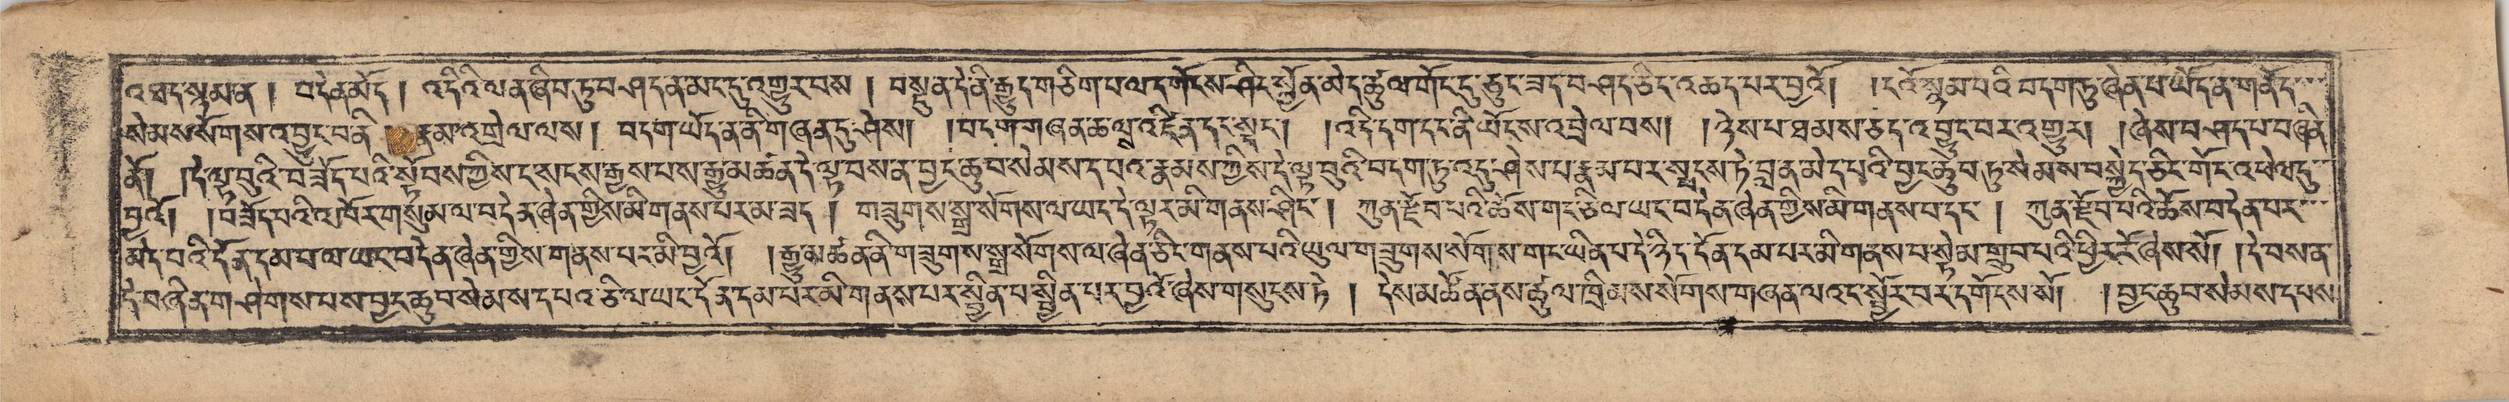འཐད་སྙམ་ན། བདེན་མོད། འདིའི་ལན་ཞིབ་ཏུ་བཤད་ན་མང་དུ་འགྱུར་བས། བསྡུ་ན་དེ་ནི་རྒྱུད་གཅིག་པ་ལ་དགོངས་ཤིང་སྐྱོན་མེད་ཚུལ་གོང་དུ་ཅུང་ཟད་བཤད་ཅིང་འཆད་པར་བྱའོ། །ངའོ་སྙམ་པའི་བདག་ཏུ་ཞེན་པ་ཡོད་ན་གནོད་
སེམས་སོགས་འབྱུང་བ་ནི། རྣམ་འགྲེལ་ལས། བདག་ཡོད་ན་ནི་གཞན་དུ་ཤེས། །བདག་གཞན་ཆ་ལ་འཛིན་དང་སྡང་། །འདི་དག་དང་ནི་ཡོངས་འབྲེལ་བས། །ཉེས་པ་ཐམས་ཅད་འབྱུང་བར་འགྱུར། །ཞེས་བཤད་པ་བཞིན་
ནོ། །དེ་ལྟ་བུའི་བཟོད་པའི་སྟོབས་ཀྱིས་ང་སངས་རྒྱས་པས་རྒྱུ་མཚན་དེ་ལྟ་བས་ན་བྱང་ཆུབ་སེམས་དཔའ་རྣམས་ཀྱིས་དེ་ལྟ་བུའི་བདག་ཏུ་འདུ་ཤེས་པ་རྣམ་པར་སྤངས་ཏེ་བླ་ན་མེད་པའི་བྱང་ཆུབ་ཏུ་སེམས་བསྐྱེད་ཅིང་གོང་འཕེལ་དུ་
བྱའོ། །བཟོད་པའི་འཁོར་གསུམ་ལ་བདེན་ཞེན་གྱིས་མི་གནས་པར་མ་ཟད། གཟུགས་སྒྲ་སོགས་ལ་ཡང་དེ་ལྟར་མི་གནས་ཤིང་། ཀུན་རྫོབ་པའི་ཆོས་གང་ཅི་ལ་ཡང་བདེན་ཞེན་གྱིས་མི་གནས་པ་དང་། ཀུན་རྫོབ་པའི་ཆོས་བདེན་པར་
མེད་པའི་དོན་དམ་པ་ལ་ཡང་བདེན་ཞེན་གྱིས་གནས་པར་མི་བྱའོ། །རྒྱུ་མཚན་ནི་གཟུགས་སྒྲ་སོགས་ལ་ཞེན་ཅིང་གནས་པའི་ཡུལ་གཟུགས་སོགས་གང་ཡིན་པ་དེ་ཉིད་དོན་དམ་པར་མི་གནས་པ་སྟེ་མ་གྲུབ་པའི་ཕྱིར་རོ་ཞེས་སོ། །དེ་བས་ན་
དེ་བཞིན་གཤེགས་པས་བྱང་ཆུབ་སེམས་དཔའ་ཅི་ལ་ཡང་དོན་དམ་པར་མི་གནས་པར་སྦྱིན་པ་སྦྱིན་པར་བྱའོ་ཞེས་གསུངས་ཏེ། དེས་མཚོན་ནས་ཚུལ་ཁྲིམས་སོགས་གཞན་ལའང་སྦྱོར་བར་དགོངས་སོ། །བྱང་ཆུབ་སེམས་དཔས་